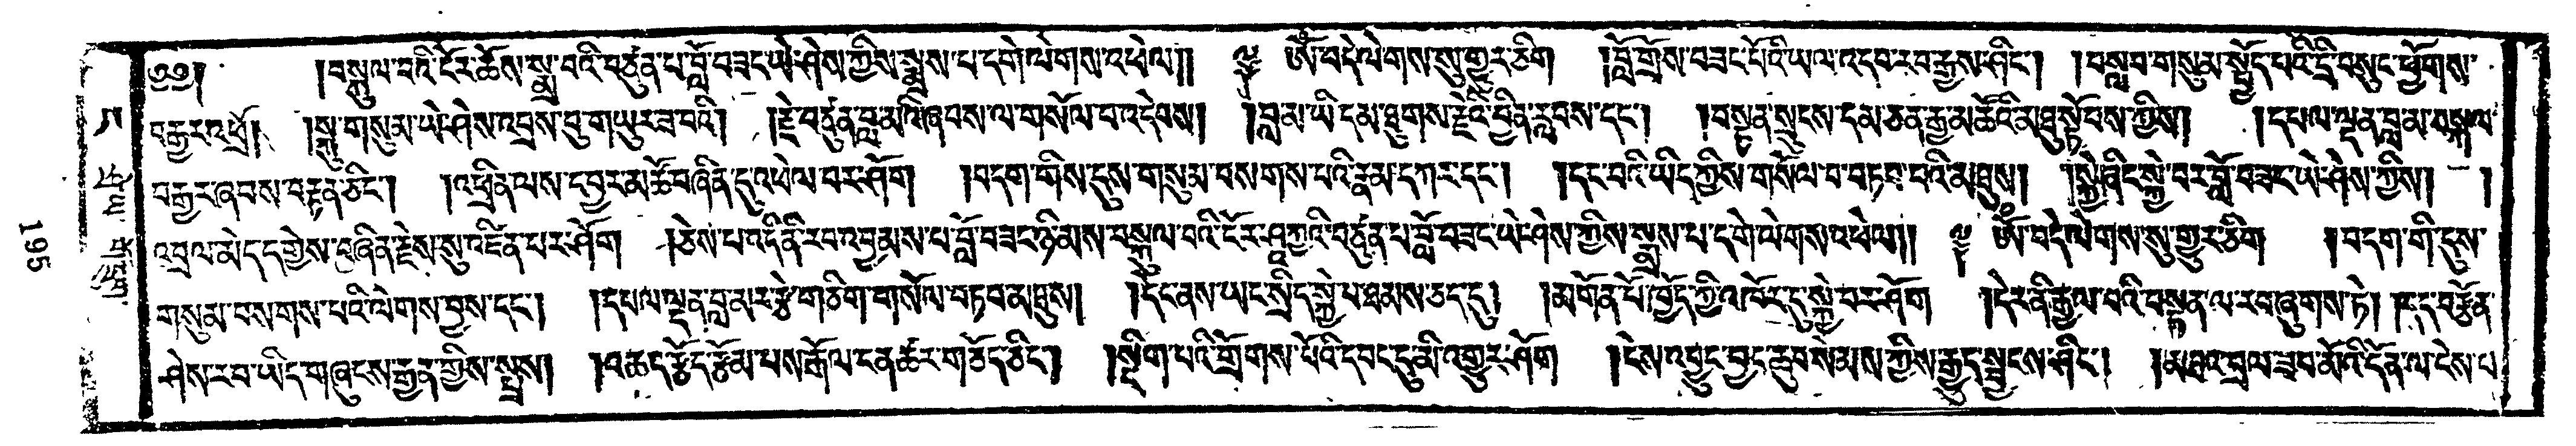༄༅། །བསྐུལ་བའི་ངོར་ཆོས་སྨྲ་བའི་བཙུན་པ་བློ་བཟང་ཡེ་ཤེས་ཀྱིས་སྨྲས་པ་དགེ་ལེགས་འཕེལ།། ༈ ཨོཾ་བདེ་ལེགས་སུ་གྱུར་ཅིག །བློ་གྲོས་བཟང་པོའི་ཡལ་འདབ་རབ་རྒྱས་ཤིང་། །བསླབ་གསུམ་སྤྱོད་པའི་དྲི་བསུང་ཕྱོགས་
བརྒྱར་འཕྲོ། །སྐུ་གསུམ་ཡེ་ཤེས་འབྲས་བུ་གཡུར་ཟ་བའི། །རྗེ་བཙུན་བླ་མའི་ཞབས་ལ་གསོལ་བ་འདེབས། །བླ་མ་ཡི་དམ་ཐུགས་རྗེའི་བྱིན་རླབས་དང་། །བསྟན་སྲུངས་དམ་ཅན་རྒྱ་མཚོའི་མཐུ་སྟོབས་ཀྱིས། །དཔལ་ལྡན་བླ་མ་བསྐལ་
བརྒྱར་ཞབས་བརྟན་ཅིང་། །འཕྲིན་ལས་དབྱར་མཚོ་བཞིན་དུ་འཕེལ་བར་ཤོག །བདག་གིས་དུས་གསུམ་བསགས་པའི་རྣམ་དཀར་དང་། །དང་བའི་ཡིད་ཀྱིས་གསོལ་བ་བཏབ་པའི་མཐུས། །སྐྱེ་ཞིང་སྐྱེ་བར་བློ་བཟང་ཡེ་ཤེས་ཀྱིས། །
འབྲལ་མེད་དགྱེས་བཞིན་རྗེས་སུ་འཛིན་པར་ཤོག །ཅེས་པ་འདི་ནི་རབ་འབྱམས་པ་བློ་བཟང་ཉི་མས་བསྐུལ་བའི་ངོར་ཤཱཀྱའི་བཙུན་པ་བློ་བཟང་ཡེ་ཤེས་ཀྱིས་སྨྲས་པ་དགེ་ལེགས་འཕེལ།། ༈ ཨོཾ་བདེ་ལེགས་སུ་གྱུར་ཅིག །བདག་གི་དུས་
གསུམ་བསགས་པའི་ལེགས་བྱས་དང་། །དཔལ་ལྡན་བླ་མར་རྩེ་གཅིག་གསོལ་བཏབ་མཐུས། །དེང་ནས་ཡང་སྲིད་སྐྱེ་པ་ཐམས་ཅད་དུ། །མགོན་པོ་ཁྱོད་ཀྱི་འཁོར་དུ་སྐྱེ་བར་ཤོག །དེར་ནི་རྒྱལ་བའི་བསྟན་ལ་རབ་ཞུགས་ཏེ། །དད་བརྩོན་
ཤེས་རབ་ཡིད་གཞུངས་རྒྱན་གྱིས་སྤྲས། །འཆད་རྩོད་རྩོམ་པས་རྒོལ་ངན་ཚར་གཅོད་ཅིང་། །སྡིག་པའི་གྲོགས་པོའི་དབང་དུ་མི་འགྱུར་ཤོག །ངེས་འབྱུང་བྱང་ཆུབ་སེམས་ཀྱིས་རྒྱུད་སྦྱངས་ཤིང་། །མཐའ་བྲལ་ཟབ་མོའི་དོན་ལ་ངེས་པ་